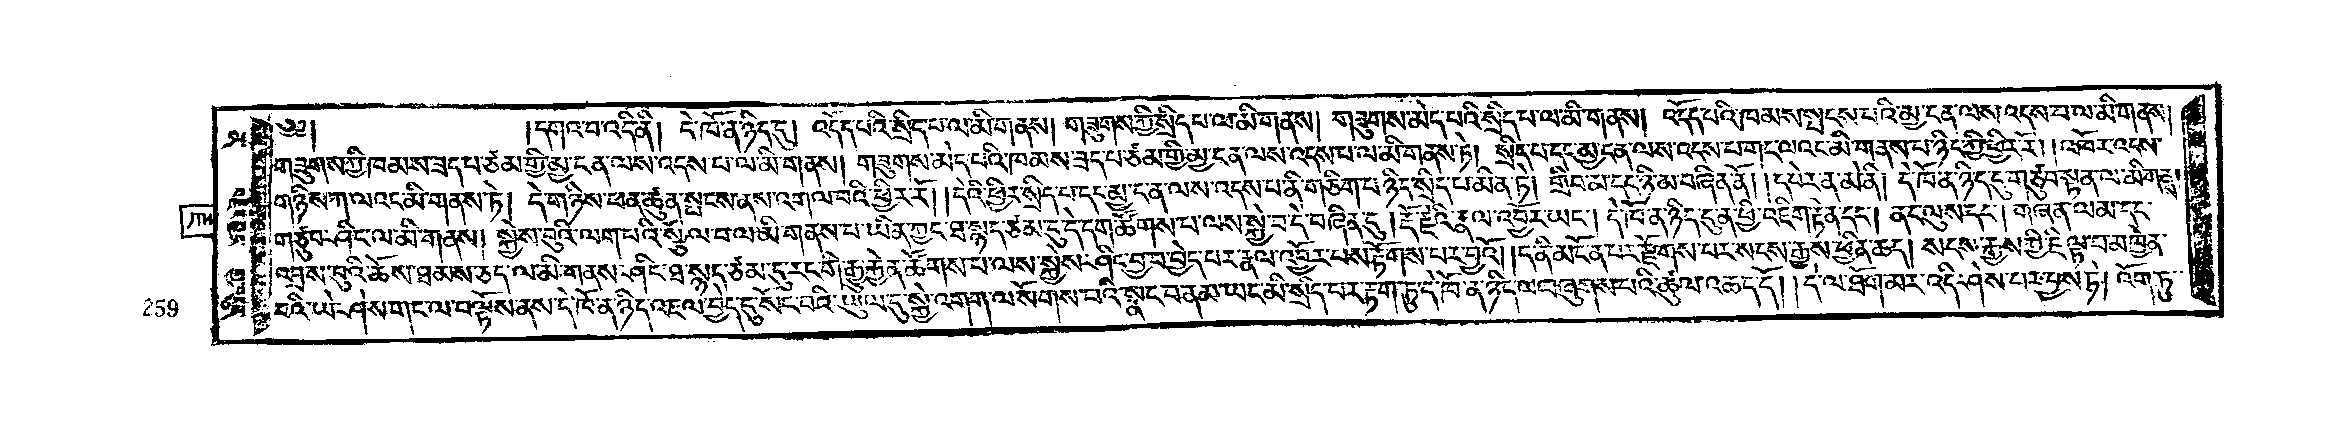༄༅། །དགའ་བ་འདི་ནི། དེ་ཁོ་ན་ཉིད་དུ། འདོད་པའི་སྲིད་པ་ལ་མི་གནས། གཟུགས་ཀྱི་སྲིད་པ་ལ་མི་གནས། གཟུགས་མེད་པའི་སྲིད་པ་ལ་མི་གནས། འདོད་པའི་ཁམས་སྤངས་པའི་མྱ་ངན་ལས་འདས་པ་ལ་མི་གནས།
གཟུགས་ཀྱི་ཁམས་ཟད་པ་ཙམ་གྱི་མྱ་ངན་ལས་འདས་པ་ལ་མི་གནས། གཟུགས་མེད་པའི་ཁམས་ཟད་པ་ཙམ་གྱི་མྱ་ངན་ལས་འདས་པ་ལ་མི་གནས་ཏེ། སྲིད་པ་དང་མྱ་ངན་ལས་འདས་པ་གང་ལའང་མི་གནས་པ་ཉིད་ཀྱི་ཕྱིར་རོ། །འཁོར་འདས་
གཉིས་ཀ་ལའང་མི་གནས་ཏེ། དེ་གཉིས་ཕན་ཚུན་སྤངས་ནས་འགལ་བའི་ཕྱིར་རོ། །དེའི་ཕྱིར་སྲིད་པ་དང་མྱ་ངན་ལས་འདས་པ་ནི་གཅིག་པ་ཉིད་སྲིད་པ་མིན་ཏེ། གྲིབ་མ་དང་ཉི་མ་བཞིན་ནོ། །དཔེར་ན་མེ་ནི། དེ་ཁོ་ན་ཉིད་དུ་གཙུབ་སྟན་ལ་མི་གནས།
གཙུབ་ཤིང་ལ་མི་གནས། སྐྱེས་བུའི་ལག་པའི་སྩོལ་བ་ལ་མི་གནས་པ་ཡིན་ཀྱང་ཐ་སྙད་ཙམ་དུ་དེ་དག་ཚོགས་པ་ལས་སྐྱེ་བ་དེ་བཞིན་དུ། རྡོ་རྗེའི་རྣལ་འབྱོར་ཡང་། དེ་ཁོ་ན་ཉིད་དུ་ན་ཕྱི་འཇིག་རྟེན་དང་། ནང་ལུས་དང་། གཞན་ལམ་དང་
འབྲས་བུའི་ཆོས་ཐམས་ཅད་ལ་མི་གནས་ཤིང་ཐ་སྙད་ཙམ་དུ་རང་གི་རྒྱུ་རྐྱེན་ཚོགས་པ་ལས་སྐྱེས་ཤིང་བྱ་བ་བྱེད་པར་རྣལ་འབྱོར་པས་རྟོགས་པར་བྱའོ། །ད་ནི་མངོན་པར་རྫོགས་པར་སངས་རྒྱས་ཕྱིན་ཆད། སངས་རྒྱས་ཀྱི་ཇི་ལྟ་བ་མཁྱེན་
པའི་ཡེ་ཤེས་གང་ལ་བལྟོས་ནས་དེ་ཁོ་ན་ཉིད་འཇལ་བྱེད་དུ་སོང་བའི་ཡུལ་དུ་སྐྱེ་འགག་ལ་སོགས་པའི་སྣང་བ་ནམ་ཡང་མི་སྲིད་པར་རྟག་ཏུ་དེ་ཁོ་ན་ཉིད་ལ་བཞུགས་པའི་ཚུལ་འཆད་དོ། །དེ་ལ་ཐོག་མར་འདི་ཤེས་པར་བྱས་ཏེ། འོག་ཏུ་